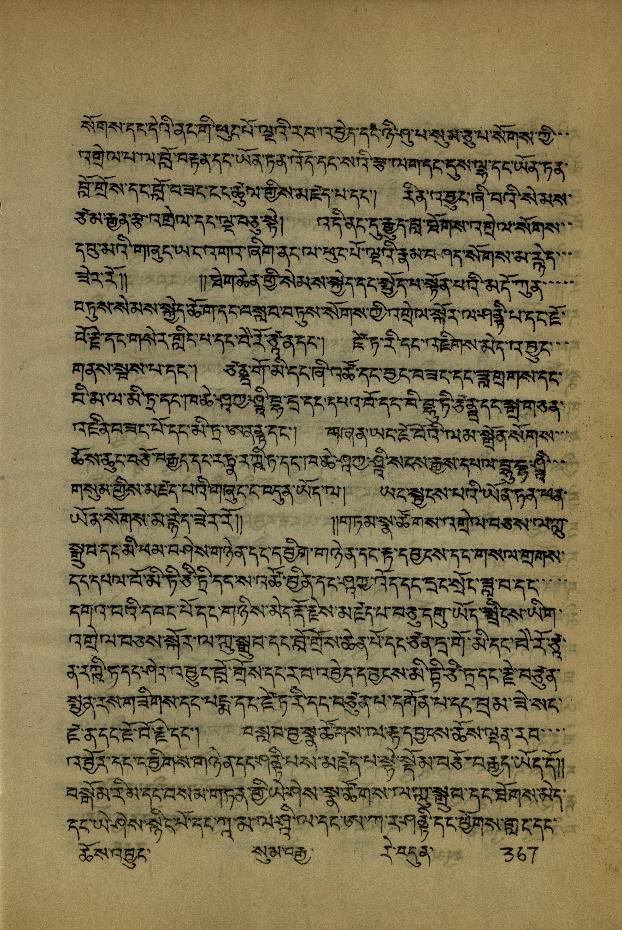སོགས་དང་དེའི་ནང་གི་ཕུང་པོ་ལྔའི་རབ་འབྱེད་དང་ཉི་ཤུ་པ་སུམ་ཅུ་པ་སོགས་ཀྱི་
འགྲེལ་པ་ལ་བློ་བརྟན་དང་ཡོན་ཏན་འོད་དང་སའི་རྩ་ལག་དང་དུས་ལྷ་དང་ཡོན་ཏན་
བློ་གྲོས་དང་བློ་བཟང་ངང་ཚུལ་གྱིས་མཛད་པ་དང་། རིན་འབྱུང་ཞི་བའི་སེམས་
ཙམ་རྒྱན་རྩ་འགྲེལ་དང་ལྔ་བཅུ་སྟེ། འདི་ནང་དུ་རྒྱུད་བླ་ཐོགས་འགྲེལ་སོགས་
དབུ་མའི་གཞུང་ཡང་འགའ་ཞིག་ནང་ལ་ཕུང་པོ་ལྔའི་རྣམ་བཤད་སོགས་མ་རྙེད་
ཟེར་རོ།། །།ཐེག་ཆེན་གྱི་སེམས་སྐྱེད་དང་སྤྱོད་པ་སྟོན་པའི་མདོ་ཀུན་
བཏུས་སེམས་སྐྱེད་ཆོ་ག་དང་བསླབ་བཏུས་སོགས་ཀྱི་འགྲེལ་སྐོར་ལ་ཤནྟི་པ་དང་ཇོ་
པོ་རྗེ་དང་གསེར་གླིང་པ་དང་བཻ་རོ་ཙཱ་ན་དང་། ཛོ་ཏ་རི་དང་འཇིགས་མེད་འབྱུང་
གནས་སྦས་པ་དང་། ཙནྡྲ་གོ་མི་དང་ཞི་འཚོ་དང་བྱང་བཟང་དང་ཟླ་གྲགས་དང་
བི་མ་ལ་མི་ཏྲ་དང་ཁ་ཆེ་ཤཱ་ཀྱ་ཤཱྲི་བྷ་དྲ་དང་དཔའ་བོ་དང་བི་བྷུ་ཏི་ཙནྡྲ་དང་སྒྲ་གཅན་
འཛིན་བཟང་པོ་དང་མི་ཏ་ཨ་ནནྟ་དང་། གཞན་ཡང་ཇོ་བོ་འི་ལམ་སྒྲོན་སོགས་
ཆོས་ཅུང་བཅོ་བརྒྱད་དང་རཏྣ་རཀྵི་ཏ་དང་ཁ་ཆེ་ཤཱ་ཀྱ་ཤྲཱི་སངས་རྒྱས་དཔལ་བྷུ་དྷ་ཤྲཱི་
གསུམ་གྱིས་མཛད་པའི་གཞུང་ང་བདུན་ཡོད་ལ། ཡང་སྦྱངས་པའི་ཡོན་ཏན་ཕན་
ཡོན་སོགས་མ་རྙེད་ཟེར་རོ།། །།གཏམ་སྣ་ཚོགས་འགྲེལ་བཅས་ལ་ཀླུ་
སྒྲུབ་དང་མི་ཕམ་བཤེས་གཉེན་དང་དབྱིག་གཉེན་དང་རྟ་དབྱངས་དང་གསལ་གྲགས་
དང་དཔལ་བོ་མི་ཏི་རྩི་ཏྲི་དང་ས་འཚོ་བྱིན་དང་ཤཱཀྱ་འོད་དང་དྲང་སྲོང་ཟླ་བ་དང་
དགའ་བའི་དབང་པོ་དང་གཉིས་མེད་རྡོ་རྗེས་མཛད་པ་བཅུ་དགུ་ཡོད་སྤྲིངས་ཡིག་
འགྲེལ་བཅས་སྐོར་ལ་ཀླུ་སྒྲུབ་པ་དང་བློ་གྲོས་ཆེན་པོ་དང་ཙན་དྲ་གོ་མི་དང་བཻ་རོ་ཙཱ་
ན་རཀྵི་ཏ་དང་ཤེར་འབྱུང་བློ་གྲོས་དང་རབ་འབྱེད་དབྱངས་མི་ཏྟི་ཙི་ཏྲ་དང་རྗེ་བཙུན་
སྤྱན་རས་གཟིགས་དང་པདམ་དང་རྗེ་ཏ་ཏི་དང་བཙུན་པ་དགོན་པ་དང་བྲམ་ཟེ་སང་
ཛ་ན་དང་ཇོ་བོ་རྗེ་དང་། བསླབ་བྱ་སྣ་ཚོགས་ལ་རྟ་དབྱངས་ཆོས་ལྡན་རབ་
འབྱོར་དང་དབྱིགས་གཉེན་དང་ཤནྟི་པས་མཛད་པ་སྟེ་སྡོམ་བཅོ་བརྒྱད་ཡོད་དོ།།
བསྒོམ་རིན་དང་བསམ་གཏན་གྱི་ཡེ་ཤེས་སྣ་ཚོགས་ལ་ཀླུ་སྒྲུབ་དང་ཐོགས་མེད་
དང་ཡེ་ཤེས་སྙིང་པོ་དང་ཀཱ་མ་ལ་ཤཱི་ལ་དང་ཨ་ཀ་ར་ཤིན་ཏི་དང་ཕྱོགས་གླང་དང་